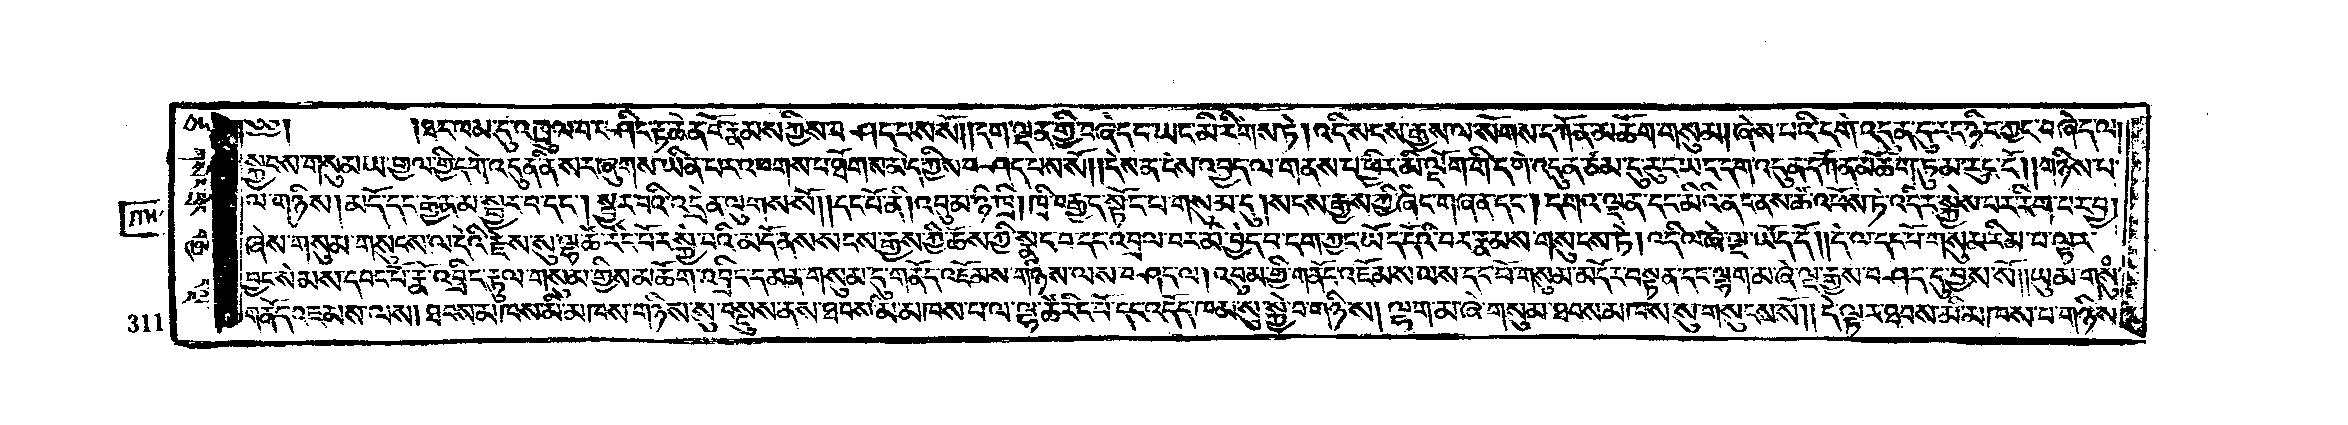༄༅། །ཐར་ལམ་དུ་འཁྲུལ་བར་ཤིང་རྟ་ཆེན་པོ་རྣམས་ཀྱིས་བཤད་པས་སོ། །དག་ལྡན་གྱི་བཞེད་པ་ཡང་མི་རིགས་ཏེ། འདི་སངས་རྒྱས་ལ་སོགས་དཀོན་མཆོག་གསུམ། ཞེས་པའི་དགེ་འདུན་དུ་རང་ཉིད་ཀྱང་བཞེད་ལ།
སྐྱབས་གསུམ་ཡ་གྱལ་གྱི་དགེ་འདུན་ནི་སར་ཞུགས་ཡིན་པར་འཕགས་པ་ཐོགས་མེད་ཀྱིས་བཤད་པས་སོ། །དེས་ན་ངེས་འབྱེད་ལ་གནས་པ་ཕྱིར་མི་ལྡོག་གི་དགེ་འདུན་ཙམ་དུ་རུང་ཡང་དགེ་འདུན་དཀོན་མཆོག་ཏུ་མི་རུང་ངོ། །གཉིས་པ་
ལ་གཉིས། མདོ་དང་རྒྱན་མ་སྦྱར་བ་དང་། སྦྱར་བའི་འདྲེན་ལུགས་སོ། །དང་པོ་ནི། འབུམ་ཉི་ཁྲི། ཁྲི་བརྒྱད་སྟོང་པ་གསུམ་དུ། སངས་རྒྱས་ཀྱི་ཞིང་གཞན་དང་། དགའ་ལྡན་དང་མིའི་ནང་ནས་ཚེ་འཕོས་ཏེ་འདིར་སྐྱེས་པར་རིག་པར་བྱ།
ཞེས་གསུམ་གསུངས་ལ་དེའི་རྗེས་སུ་ལྷ་ཚེ་རིང་པོར་སྐྱེ་བའི་མདོ་ནས་སངས་རྒྱས་ཀྱི་ཆོས་ཀྱི་སྣང་བ་དང་འབྲལ་བར་མི་བྱེད་པ་དག་ཀྱང་ཡོད་དོའི་བར་རྣམས་གསུངས་ཏེ། འདི་ལ་ཞེ་ལྔ་ཡོད་དོ། །དེ་ལ་དང་པོ་གསུམ་རིམ་པ་ལྟར་
བྱང་སེམས་དཔང་པོ་རྣོ་འབྲིང་རྟུལ་གསུམ་གྱིས་མཆོག་འབྲིང་དམན་གསུམ་དུ་གནོད་འཇོམས་གཉིས་ལས་བཤད་ལ། འབུམ་གྱི་གནོད་འཇོམས་ལས་དང་པོ་གསུམ་མདོར་བསྟན་དང་ལྷག་མ་ཞེ་ལྔ་རྒྱས་བཤད་དུ་བྱས་སོ། །ཡུམ་གསུམ་
གནོད་འཇོམས་ལས། ཐབས་མཁས་མི་མཁས་གཉིས་སུ་བསྡུས་ནས་ཐབས་མི་མཁས་པ་ལ་ལྷ་ཚེ་རིང་པོ་དང་འདོད་ཁམས་སུ་སྐྱེ་བ་གཉིས། ལྷག་མ་ཞེ་གསུམ་ཐབས་མཁས་སུ་གསུངས་སོ། །དེ་ལྟར་ཐབས་མི་མཁས་པ་གཉིས་